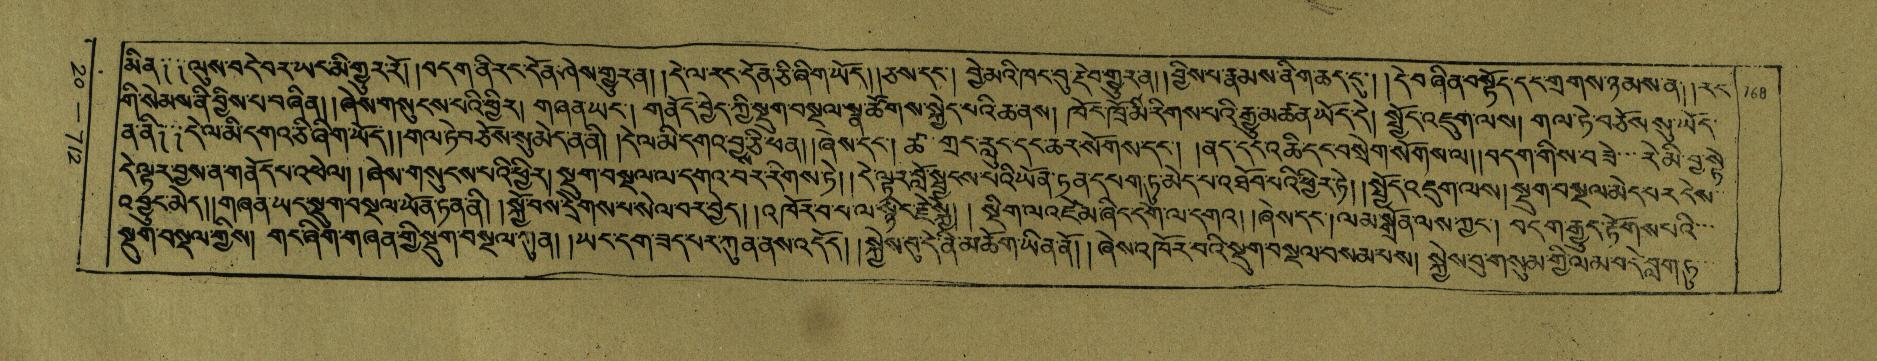མིན༑ ༑ལུས་བདེ་བར་ཡང་མི་གྱུར་རོ། །བདག་ནི་རང་དོན་ཤེས་གྱུར་ན། །དེ་ལ་རང་དོན་ཅི་ཞིག་ཡོད། །ཅས་དང་། བྱེ་མའི་ཁང་བུ་རྡེབ་གྱུར་ན། །བྱིས་པ་རྣམས་ནི་ག་ཆད་དུ། །དེ་བཞིན་བསྟོད་དང་གྲགས་ཉམས་ན། །རང་
གི་སེམས་ནི་བྱིས་པ་བཞིན། །ཞེས་གསུངས་པའི་ཕྱིར། གཞན་ཡང་། གནོད་བྱེད་ཀྱི་སྡུག་བསྔལ་སྣ་ཚོགས་སྐྱེད་པའི་ཆ་ནས། ཁོང་ཁྲོ་མི་རིགས་པའི་རྒྱུ་མཚན་ཡོད་དེ། སྤྱོད་འཇུག་ལས། གལ་ཏེ་བཅོས་སུ་ཡོད་
ན་ནི༑ ༑དེ་ལ་མི་དགའ་ཅི་ཞིག་ཡོད། །གལ་ཏེ་བཅོས་སུ་མེད་ན་ནི། །དེ་ལ་མི་དགའ་བྱས་ཅི་ཕན། །ཞེས་དང་། ཚ་གྲང་རླུང་དང་ཆར་སོགས་དང་། །ནད་དང་འཆི་དང་བསྲེགས་སོགས་ལ། །བདག་གིས་བཟེ་རེ་མི་བྱ་སྟེ་
དེ་ལྟར་བྱས་ན་གནོད་པ་འཕེལ། །ཞེས་གསུངས་པའི་ཕྱིར། སྡུག་བསྔལ་ལ་དགའ་བར་རིགས་ཏེ། །དེ་ལྟར་བློ་སྦྱངས་པའི་ཡོན་ཏན་དཔག་ཏུ་མེད་པ་འཐོབ་པའི་ཕྱིར་ཏེ། །སྤྱོད་འཇུག་ལས། སྡུག་བསྔལ་མེད་པར་ངེས་
འབྱུང་མེད། །གཞན་ཡང་སྡུག་བསྔལ་ཡོན་ཏན་ནི། །སྐྱོ་བས་དྲེགས་པ་སེལ་བར་བྱེད། །འཁོར་བ་པ་ལ་སྙིང་རྗེ་སྐྱེ། །སྡིག་ལ་འཛེམ་ཞིང་དགེ་ལ་དགའ། །ཞེས་དང་། ལམ་སྒྲོན་ལས་ཀྱང་། བདག་རྒྱུད་རྟོགས་པའི་
སྡུག་བསྔལ་གྱིས། གང་ཞིག་གཞན་གྱི་སྡུག་བསྔལ་ཀུན། །ཡང་དག་ཟད་པར་ཀུན་ནས་འདོད། །སྐྱེས་བུ་དེ་ནི་མཆོག་ཡིན་ནོ། །ཞེས་འཁོར་བའི་སྡུག་བསྔལ་བསམ་པས། སྐྱེས་བུ་གསུམ་གྱི་ལམ་བདེ་བླག་ཏུ་